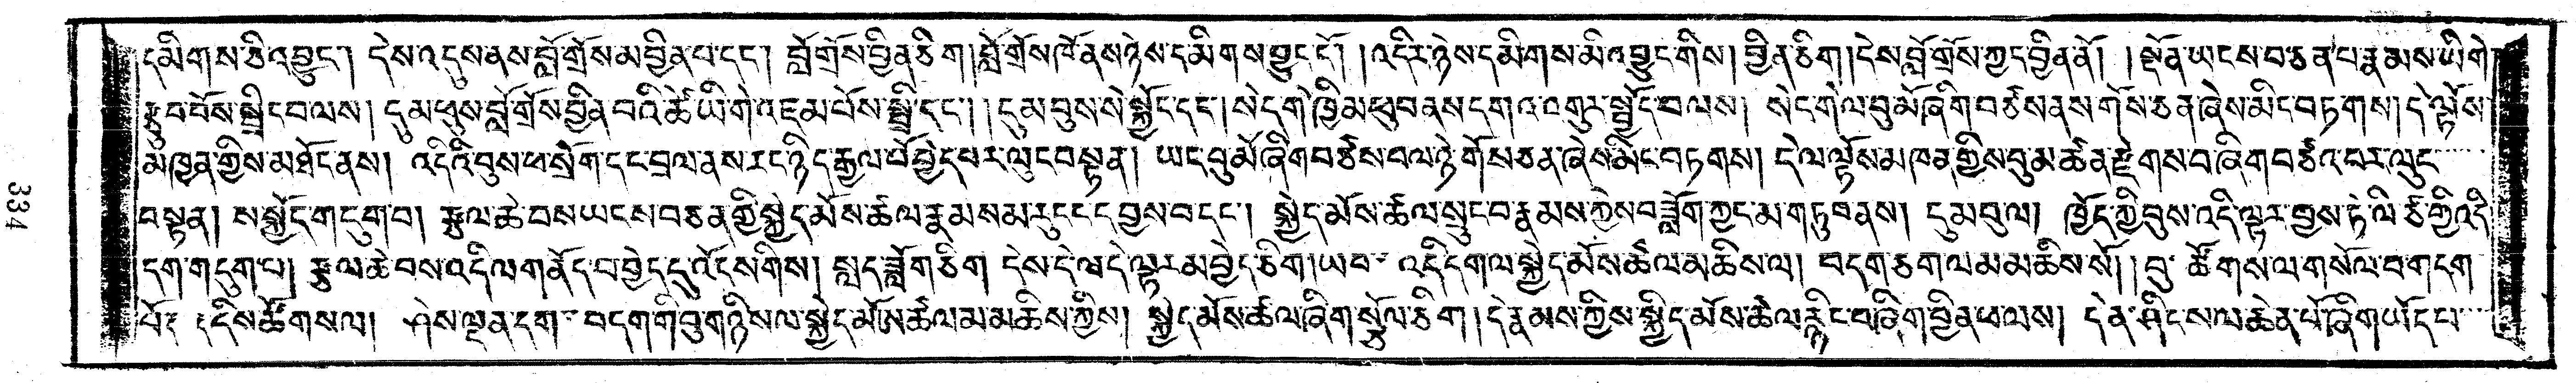དམིགས་ཅི་འབྱུང་། དེས་འདུས་ནས་བློ་གྲོས་མ་བྱིན་པ་དང་། བློ་གྲོས་བྱིན་ཅིག། བློ་གྲོས་ཁོ་ནས་ཉེས་དམིགས་བྱུང་ངོ། །འདིར་ཉེས་དམིགས་མི་འབྱུང་གིས། བྱིན་ཅིག། དེས་བློ་གྲོས་ཀྱང་བྱིན་ནོ། །སྔོན་ཡངས་བ་ཅན་པ་རྣམས་ཡི་གེ་
རྩུབ་པོས་སྦྲིང་བ་ལས། དུམ་ཕུས་བློ་གྲོས་བྱིན་པའི་ཚེ་ཡི་གེ་འཇམ་པོས་སྦྲི་དང་། །དུམ་བུས་སེ་སྐྱོང་དང་། སེང་གེ་ཁྱིམ་ཕུབ་ནས་དགའ་འགུར་སྤྱོད་པ་ལས། སེང་གེ་ལ་བུ་མོ་ཞིག་བཙས་ནས་གོས་ཅན་ཞེས་མིང་བཏགས། དེ་ལྟོས་
མཁྱན་གྱིས་མཐོང་ནས། འདིའི་བུས་ཕ་སྲོག་དང་བྲལ་ནས་རང་ཉིད་རྒྱལ་པོ་བྱེད་པར་ལུང་བསྟན། ཡང་བུ་མོ་ཞིག་བཙས་བལ་ཉེ་གོས་ཅན་ཞེས་མིང་བཏགས། དེ་ལ་ལྟོས་མཁན་གྱིས་བུ་མཚན་རྫེགས་བ་ཞིག་བཙའ་བར་ལུང་
བསྟན། ས་སྐྱོད་གདུག་བ། རྩལ་ཆེ་བས་ཡངས་པ་ཅན་གྱི་སྐྱེད་མོས་ཚལ་རྣམས་མ་རུང་ངང་བྱས་པ་དང་། སྐྱེད་མོས་ཚལ་སྲུང་བ་རྣམས་ཀྱིས་བཟློག་ཀྱང་མ་གཏུབ་ནས། དུམ་བུ་ལ། ཁྱོད་ཀྱི་བུས་འདི་ལྟར་བྱས་ཏེ་ལི་ཙ་གྱི་འདི་
དག་གདུག་པ། རྩལ་ཆེ་བས་འདི་ལ་གནོད་པ་བྱེད་དུ་འོངས་གིས། སླད་ཟློག་ཅིག་དེས་ཝ་དེ་ལྟར་མ་བྱེད་ཅིག །ཡབ༑ འདི་དག་ལ་སྐྱེད་མོས་ཚལ་མཆིས་ལ། བདག་ཅག་ལ་མ་མཆིས་སོ། །བུ་ཚོགས་ལ་གསོལ་བ་གདག་
པོ༑ ༑དིས་ཚོགས་ལ། ཤེས་ལྡན་དག༑ བདག་གི་བུ་གཉིས་ལ་སྐྱེད་མོ་ཨ་ཚལ་མ་མཆིས་ཀྱིས། སྐྱེད་མོས་ཚལ་ཞིག་སྩོལ་ཅིག། དེ་རྣམས་ཀྱིས་སྐྱིད་མོས་ཚལ་རྙིང་བ་ཞིག་བྱིན་པ་ལས། དེ་ན་ཤིང་ས་ལ་ཆེན་པོ་ཞིག་ཡོད་པ་